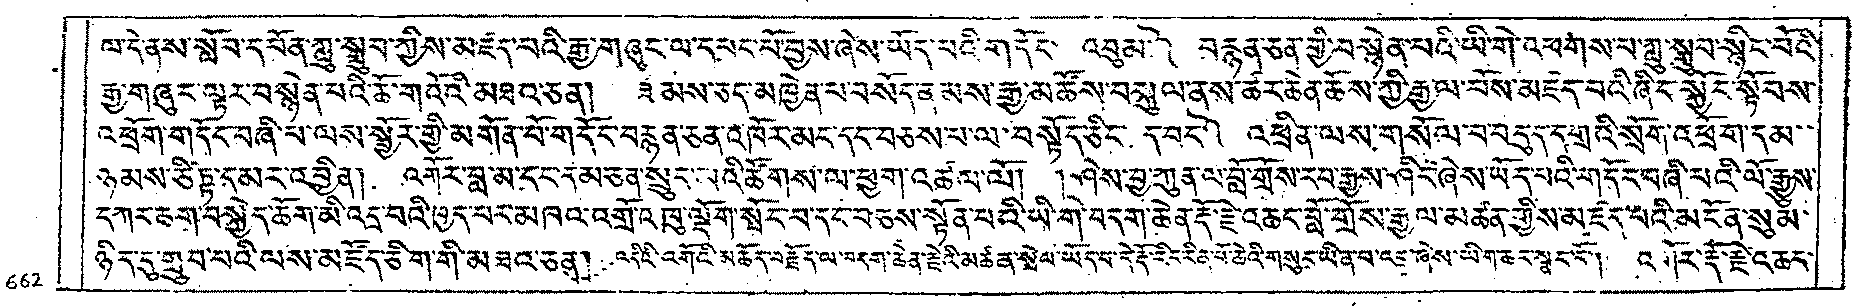ལ་དེ་ནས་སློབ་དཔོན་ཀླུ་སྒྲུབ་ཀྱིས་མཛད་པའི་རྒྱ་གཞུང་ལ་དཔང་པོ་བྱས་ཞེས་ཡོད་པའི་གདོང་འབུམ྄་བརྙན་ཅན་གྱི་བསྙེན་པའི་ཡི་གེ་འཕགས་པ་ཀླུ་སྒྲུབ་སྙིང་པོའི་
རྒྱ་གཞུང་ལྟར་བསྙེན་པའི་ཆོ་གའོའི་མཐའ་ཅན། ཐམས་ཅད་མཁྱེན་པ་བསོད་ནམས་རྒྱ་མཚོས་བསྐུལ་ནས་ཚར་ཆེན་ཆོས་ཀྱི་རྒྱལ་པོས་མཛད་པའི་ཞིང་སྐྱོང་སྟོབས་
འཕྲོག་གདོང་བཞི་པ་ལས་སྦྱོར་གྱི་མགོན་པོ་གདོང་བརྙན་ཅན་འཁོར་མང་དང་བཅས་པ་ལ་བསྟོད་ཅིང་དབང྄་འཕྲིན་ལས་གསོལ་བ་བདུད་དགྲའི་སྲོག་འཕྲོག་དམ་
ཉམས་ཙིཏྟ་དམར་འབྱིན། འགོར་བླ་མ་དང་དམ་ཅན་སྲུང་མའི་ཚོགས་ལ་ཕྱག་འཚལ་ལོ། །ཤེས་བྱ་ཀུན་ལ་བློ་གྲོས་རབ་རྒྱས་ཤིང་ཞེས་ཡོད་པའི་གདོང་བཞི་པའི་ལོ་རྒྱུས་
དཀར་ཆག་བསྐྱེད་ཆོག་མི་འདྲ་བའི་ཁྱད་པར་མཁའ་འགྲོ་འཁུ་ལྡོག་སྤོང་བ་དང་བཅས་སྟོན་པའི་ཡི་གེ་བདག་ཆེན་རྡོ་རྗེ་འཆང་བློ་གྲོས་རྒྱལ་མཚན་གྱིས་མཛད་པའི་མངོན་སུམ་
ཉིད་དུ་གྲུབ་པའི་ལས་མཛོད་ཅིག་གི་མཐའ་ཅན། འདིའི་འགོའི་མཆོད་བརྗོད་ལ་བདག་ཆེན་རྗེའི་མཚན་སྤེལ་ཡོད་པ་དེ་རྡོ་རིང་རིན་པོ་ཆེའི་གསུང་ཡིན་པ་འདྲ་ཞེས་ཡིག་ཆར་སྣང་ངོ།  འགོར་རྡོ་རྗེ་འཆང་